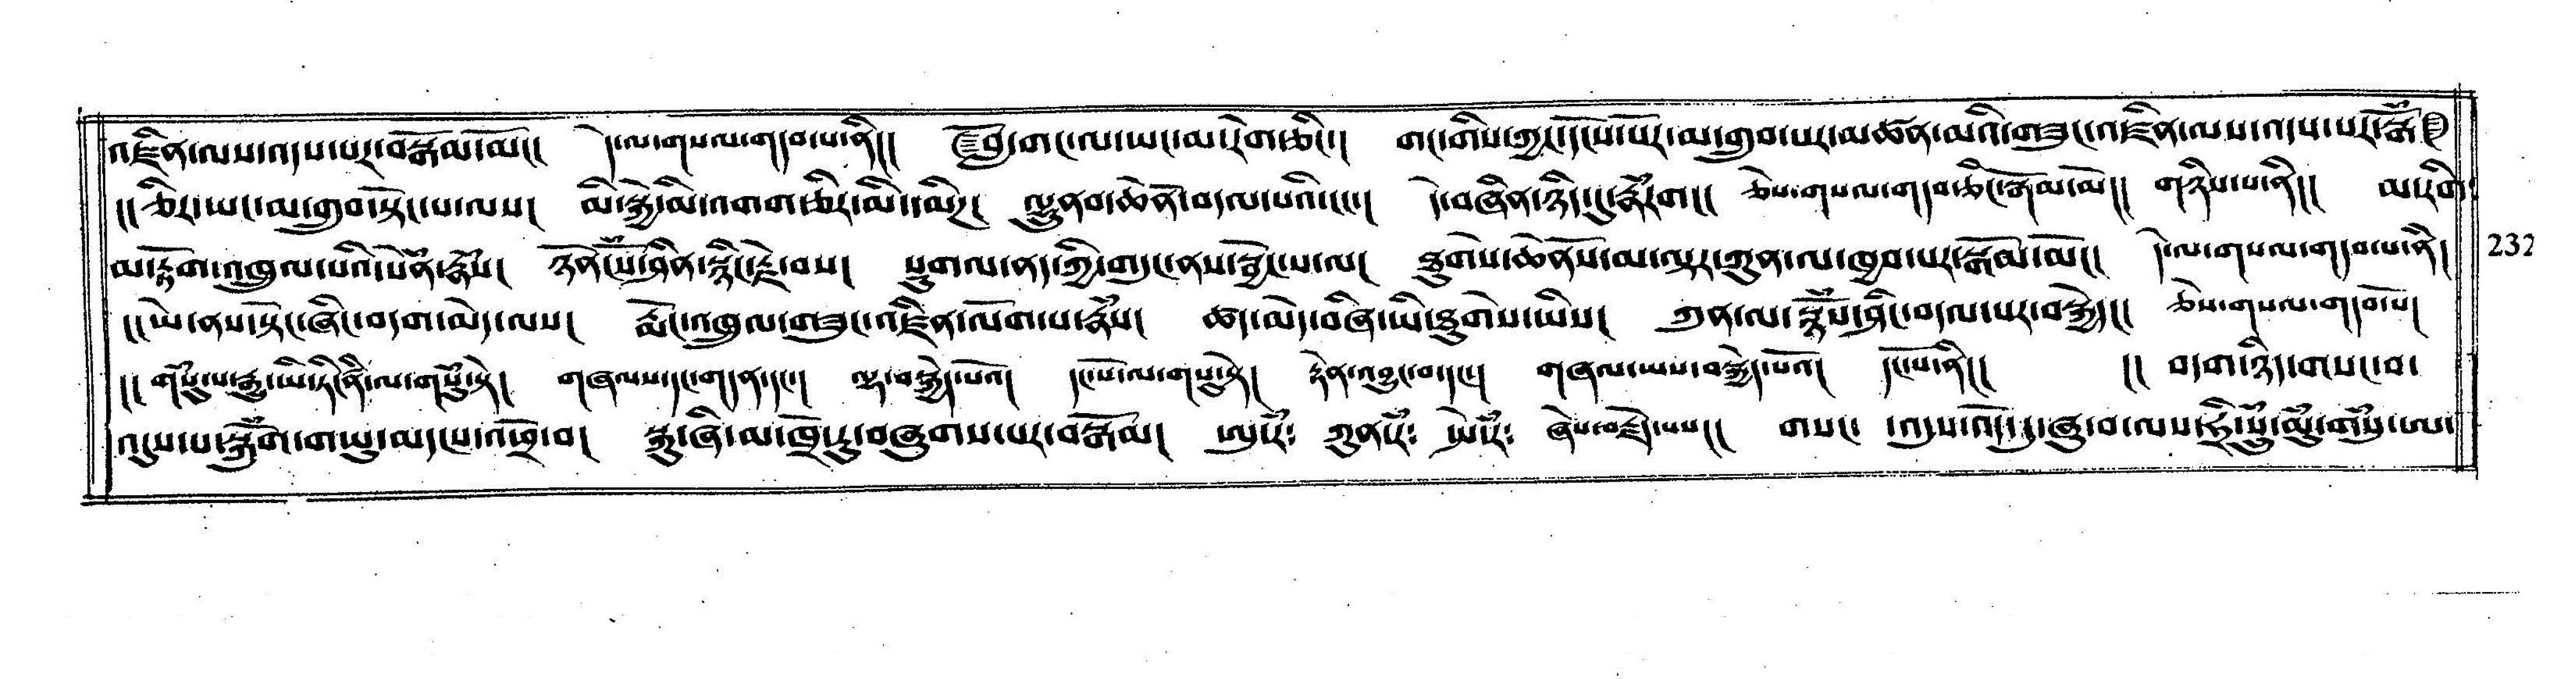འཛིན་ལས་འདས་པར་བསྒོམ་མོ།། དེ་ལ་གསལ་གདབ་པ་ནི།། 
།།ཅིར་ཡང་མ་གྲུབ་སྟོང་པ་ལས། མི་སྐྱེ་མི་འགག་ཅིར་མི་དམིགས། ལྷུན་གྲུབ་ཆེན་པོ་བདལ་པའི་ངང་། དེ་བཞིན་ཉིད་དུ་རྣམ་པར་དག །། ཅེས་གསལ་གདབ་ཅིང་སྒོམ་མོ།། གཉིས་པ་ནི།། མ་རིག་
མ་རྟོགས་འཁྲུལ་པའི་སེམས་ཅན་རྣམས། ཉོན་མོངས་ཤིང་སྙིང་རྗེ་བས། སྡུག་བསྔལ་ནད་ཀྱི་གདུང་ནས་སྦྱོང་པ་ལ། ཐུགས་རྗེ་ཆེན་པོས་མ་ལྟར་ཀུན་ལ་ཁྱབ་པར་སྒོམ་མོ།། དེ་ལ་གསལ་གདབ་པ་ནི། 
།།ཡེ་ནས་སྟོང་ཞིང་བདག་མེད་ལས། རྨོངས་འཁྲུལ་གཟུང་འཛིན་ལོག་པ་རྣམས། ཚད་མེད་བཞི་ཡི་ཐུགས་རྗེ་ཡིས། ཀུན་ལ་སྙོམས་ཤིང་བདལ་པར་བསྐྱེད།། ཅེས་གསལ་གདབ་པོ། 
།། གསུམ་པ་རྒྱུ་ཡི་ཏིང་འཛིན་ལ་གསུམ་སྟེ། གཞལ་ཡས་དང་གདན་དང་། ལྷ་བསྐྱེད་པའོ། དང་པོ་ལ་གསུམ་སྟེ། རྟེན་འབྱུང་བ་དང་། གཞལ་ཡས་བསྐྱེད་པའོ། །དང་པོ་ནི།། །།བདག་ཉིད་གསང་བ་
འདུས་པ་སྐུ་མདོག་གཡུ་མདངས་འཕྲོ་བ། སྐུ་ཞི་མ་ཁྲོ་རུ་བཞུགས་པར་བསྒོམ། ཨུ་རཾ༴ ཀུན་རཾ༴ སྤེ་རཾ༴ ཞེས་བརྗོད་པས།། གསང་འདུས་འོད་དུ་ཞུ་བ་ལས་ཧྲི་སྲུཾ་མུཾ་གསུམ་ཨ་